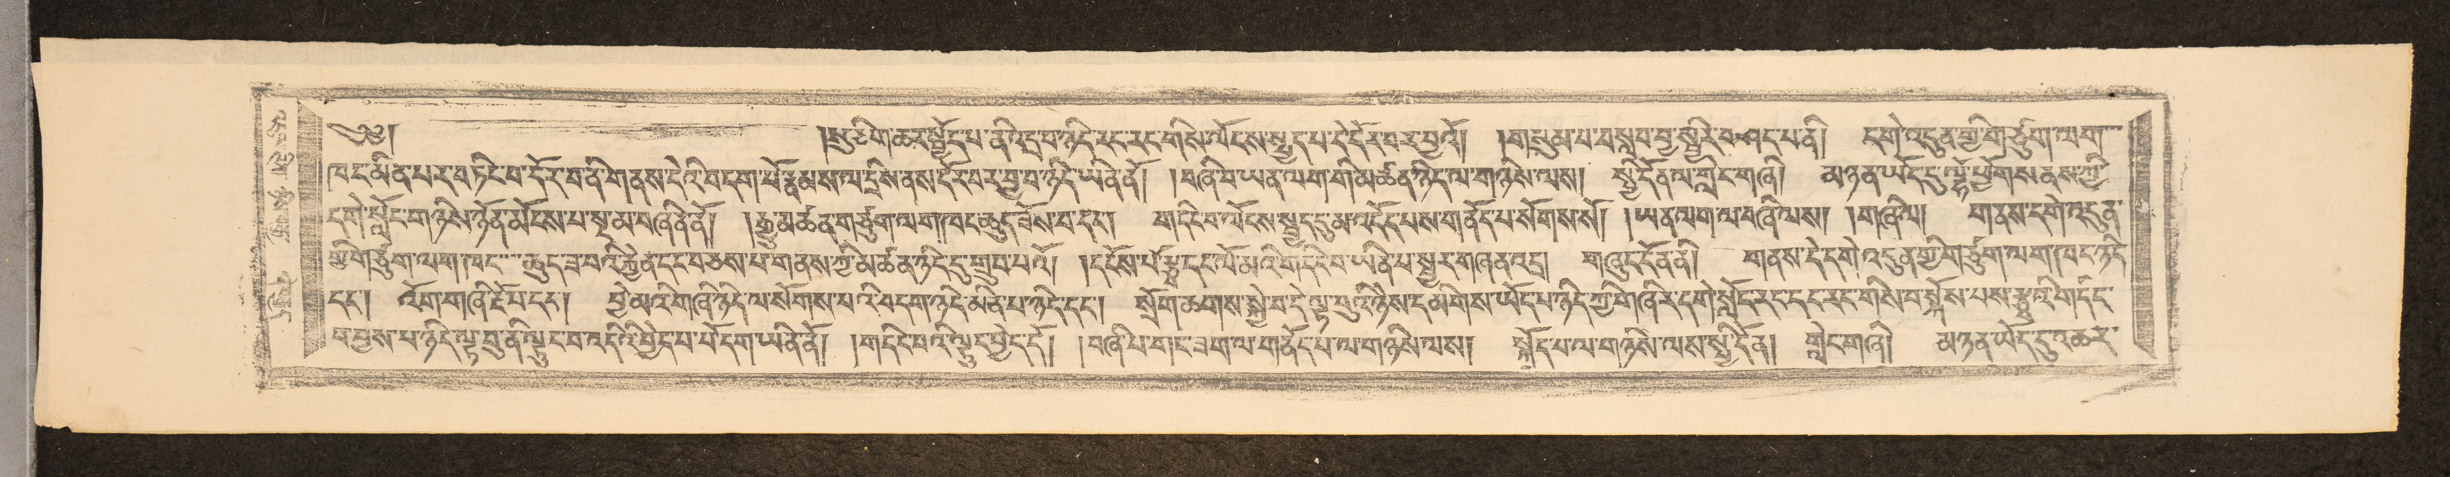༄༅། །སུ་ཅིག་ཆར་སྦྱོད་པ་ནི་འདྲ་བ་ཉིད་རང་རང་གིས་ལོངས་སྦྱད་པ་དེ་དོར་བར་བྱའོ། །གསུམ་པ་བསླབ་བྱ་སྦྱིར་བཤད་པ་ནི། དགེ་འདུན་གྱི་གཙུག་ལག་
ཁང་མིན་པར་བཏིང་བ་དོར་བ་ནི་གནས་དེའི་བདག་པོ་རྣམས་ལ་དྲིས་ནས་དོར་བར་བྱ་བ་ཉིད་ཡིན་ནོ། །བཞི་པ་ཡན་ལག་གི་མཚན་ཉིད་ལ་གཉིས་ལས། སྤྱི་དོན་ལ་གླེང་གཞི། མཉན་ཡོད་དུ་ལྷོ་ཕྱོགས་ནས་ཀྱི་
དགེ་སློང་གཉིས་ཉོན་མོངས་པ་སྔ་མ་བཞིན་ནོ། །རྒྱུ་མཚན་གཙུག་ལག་ཁང་ཆུད་ཟོས་བ་དང་། གདིང་བ་ལོངས་སྤྱད་དུ་མ་འདོད་པས་གནོད་པ་སོགས་སོ། །ཡན་ལག་ལ་བཞི་ལས། །གཞི་ལ། གནས་དགེ་འདུན་
གྱི་གཙུག་ལག་ཁང་ཆུད་ཟ་བའི་རྐྱེན་དང་བཅས་པ་གནས་ཀྱི་མཚན་ཉིད་དུ་གྲུབ་པའོ། །དངོས་པོ་རྩྭ་དང་ལོ་མའི་གདིང་བ་ཡིན་པ་སྦྱར་གཞན་འདྲ། གཞུང་དོན་ནི། གནས་དེ་དགེ་འདུན་གྱི་གཙུག་ལག་ཁང་ཉིད་
དང་། འོག་གཞི་རྡོ་བ་དང་། བྱེ་མའི་གཞི་ཉིད་ལ་སོགས་པའི་བདག་ཉིད་མིན་པ་ཉིད་དང་། སྲོག་ཆགས་སྐྱེ་བ་དེ་ལྟ་བུའི་ཉེས་དམིགས་ཡོད་པ་ཉིད་ཀྱི་གཞིར་དགེ་སློང་རང་དང་རང་གིས་བསྐོས་པས་རྩྭའི་གདིང་
བ་བྱས་པ་ཉིད་ལྟ་བུ་ནི་ལྟུང་བ་འདིའི་བྱེད་པ་པོ་དག་ཡིན་ནོ། །གདིང་པའི་ལྟུང་བྱེད་དོ། །བཞི་བ་གང་ཟག་ལ་གནོད་པ་ལ་གཉིས་ལས། སྒྲོད་བ་ལ་གཉིས་ལས་སྤྱི་དོན། གླེང་གཞི། མཉན་ཡོད་དུ་འཆར་